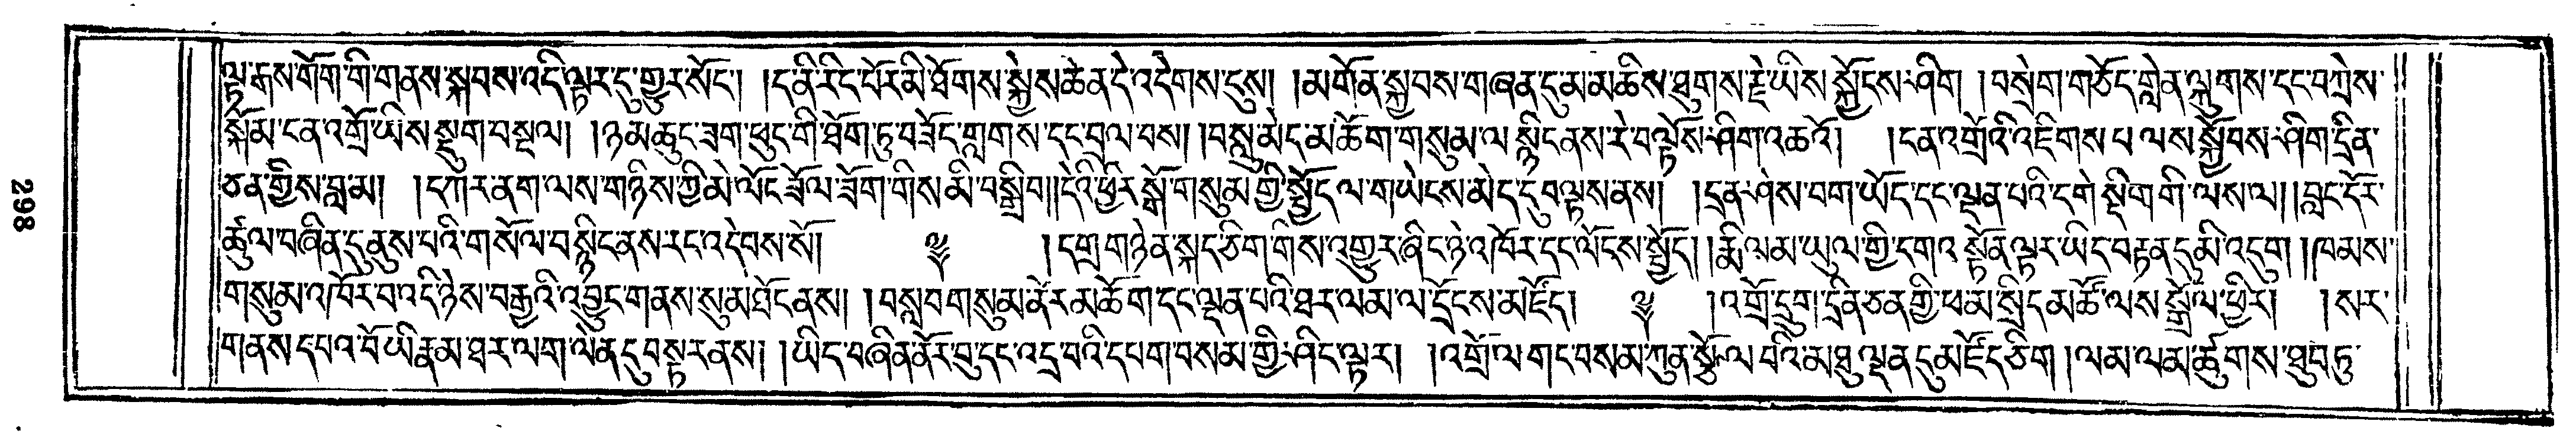ལྟ་རྒས་གོག་གི་གནས་སྐབས་འདི་ལྟར་དུ་གྱུར་སོང་། །ད་ནི་རིང་པོར་མི་ཐོགས་སྐྱེས་ཆེན་དེ་འདེགས་དུས། །མགོན་སྐྱབས་གཞན་དུ་མ་མཆིས་ཐུགས་རྗེ་ཡིས་སྐྱོང་ཤིག །བསྲེག་གཅོད་གླེན་ལྐུགས་དང་བཀྲེས་
སྐོམ་ངན་འགྲོ་ཡིས་སྡུག་བསྔལ། །ཉམ་ཆུང་ཟག་ཕུང་གི་ཐོག་ཏུ་བཟོད་གླགས་དང་བྲལ་བས། །བསླུ་མེད་མཆོག་གསུམ་ལ་སྙིང་ནས་རེ་བལྟོས་ཤིག་འཆའོ། །ངན་འགྲོའི་འཇིགས་པ་ལས་སྐྱོབས་ཤིག་དྲིན་
ཅན་གྱིས་བླ་མ། །དཀར་ནག་ལས་གཉིས་ཀྱི་མེ་ལོང་ཟོལ་ཟོག་གིས་མི་བསྒྲིབ། །དེའི་ཕྱིར་སྒོ་གསུམ་གྱི་སྤྱོད་ལ་གཡེངས་མེད་དུ་བལྟས་ནས། །དྲན་ཤེས་བག་ཡོད་དང་ལྡན་པའི་དགེ་སྡིག་གི་ལས་ལ། །བླང་དོར་
ཚུལ་བཞིན་དུ་ནུས་པའི་གསོལ་བ་སྙིང་ནས་རང་འདེབས་སོ། ༈ །དགྲ་གཉེན་སྐད་ཅིག་གིས་འགྱུར་ཞིང་ཉེ་འཁོར་དང་ལོངས་སྤྱོད། །རྨི་ལམ་ཡུལ་གྱི་དགའ་སྟོན་ལྟར་ཡིད་བརྟན་དུ་མི་འདུག །ཁམས་
གསུམ་འཁོར་བ་འདི་ཉེས་བརྒྱའི་འབྱུང་གནས་སུ་མཐོང་ནས། །བསླབ་གསུམ་ནོར་མཆོག་དང་ལྡན་པའི་ཐར་ལམ་ལ་དྲོངས་མཛོད། ༈ །འགྲོ་དྲུག་དྲིན་ཅན་གྱི་ཕ་མ་སྲིད་མཚོ་ལས་སྒྲོལ་ཕྱིར། །སར་
གནས་དཔའ་བོ་ཡི་རྣམ་ཐར་ལག་ལེན་དུ་བསྟར་ནས། །ཡིད་བཞིན་ནོར་བུ་དང་འདྲ་བའི་དཔག་བསམ་གྱི་ཤིང་ལྟར། །འགྲོ་ལ་གང་བསམ་ཀུན་སྩོལ་བའི་མཐུ་ལྡན་དུ་མཛོད་ཅིག །ལམ་ལམ་ཚུགས་ཐུབ་ཏུ་